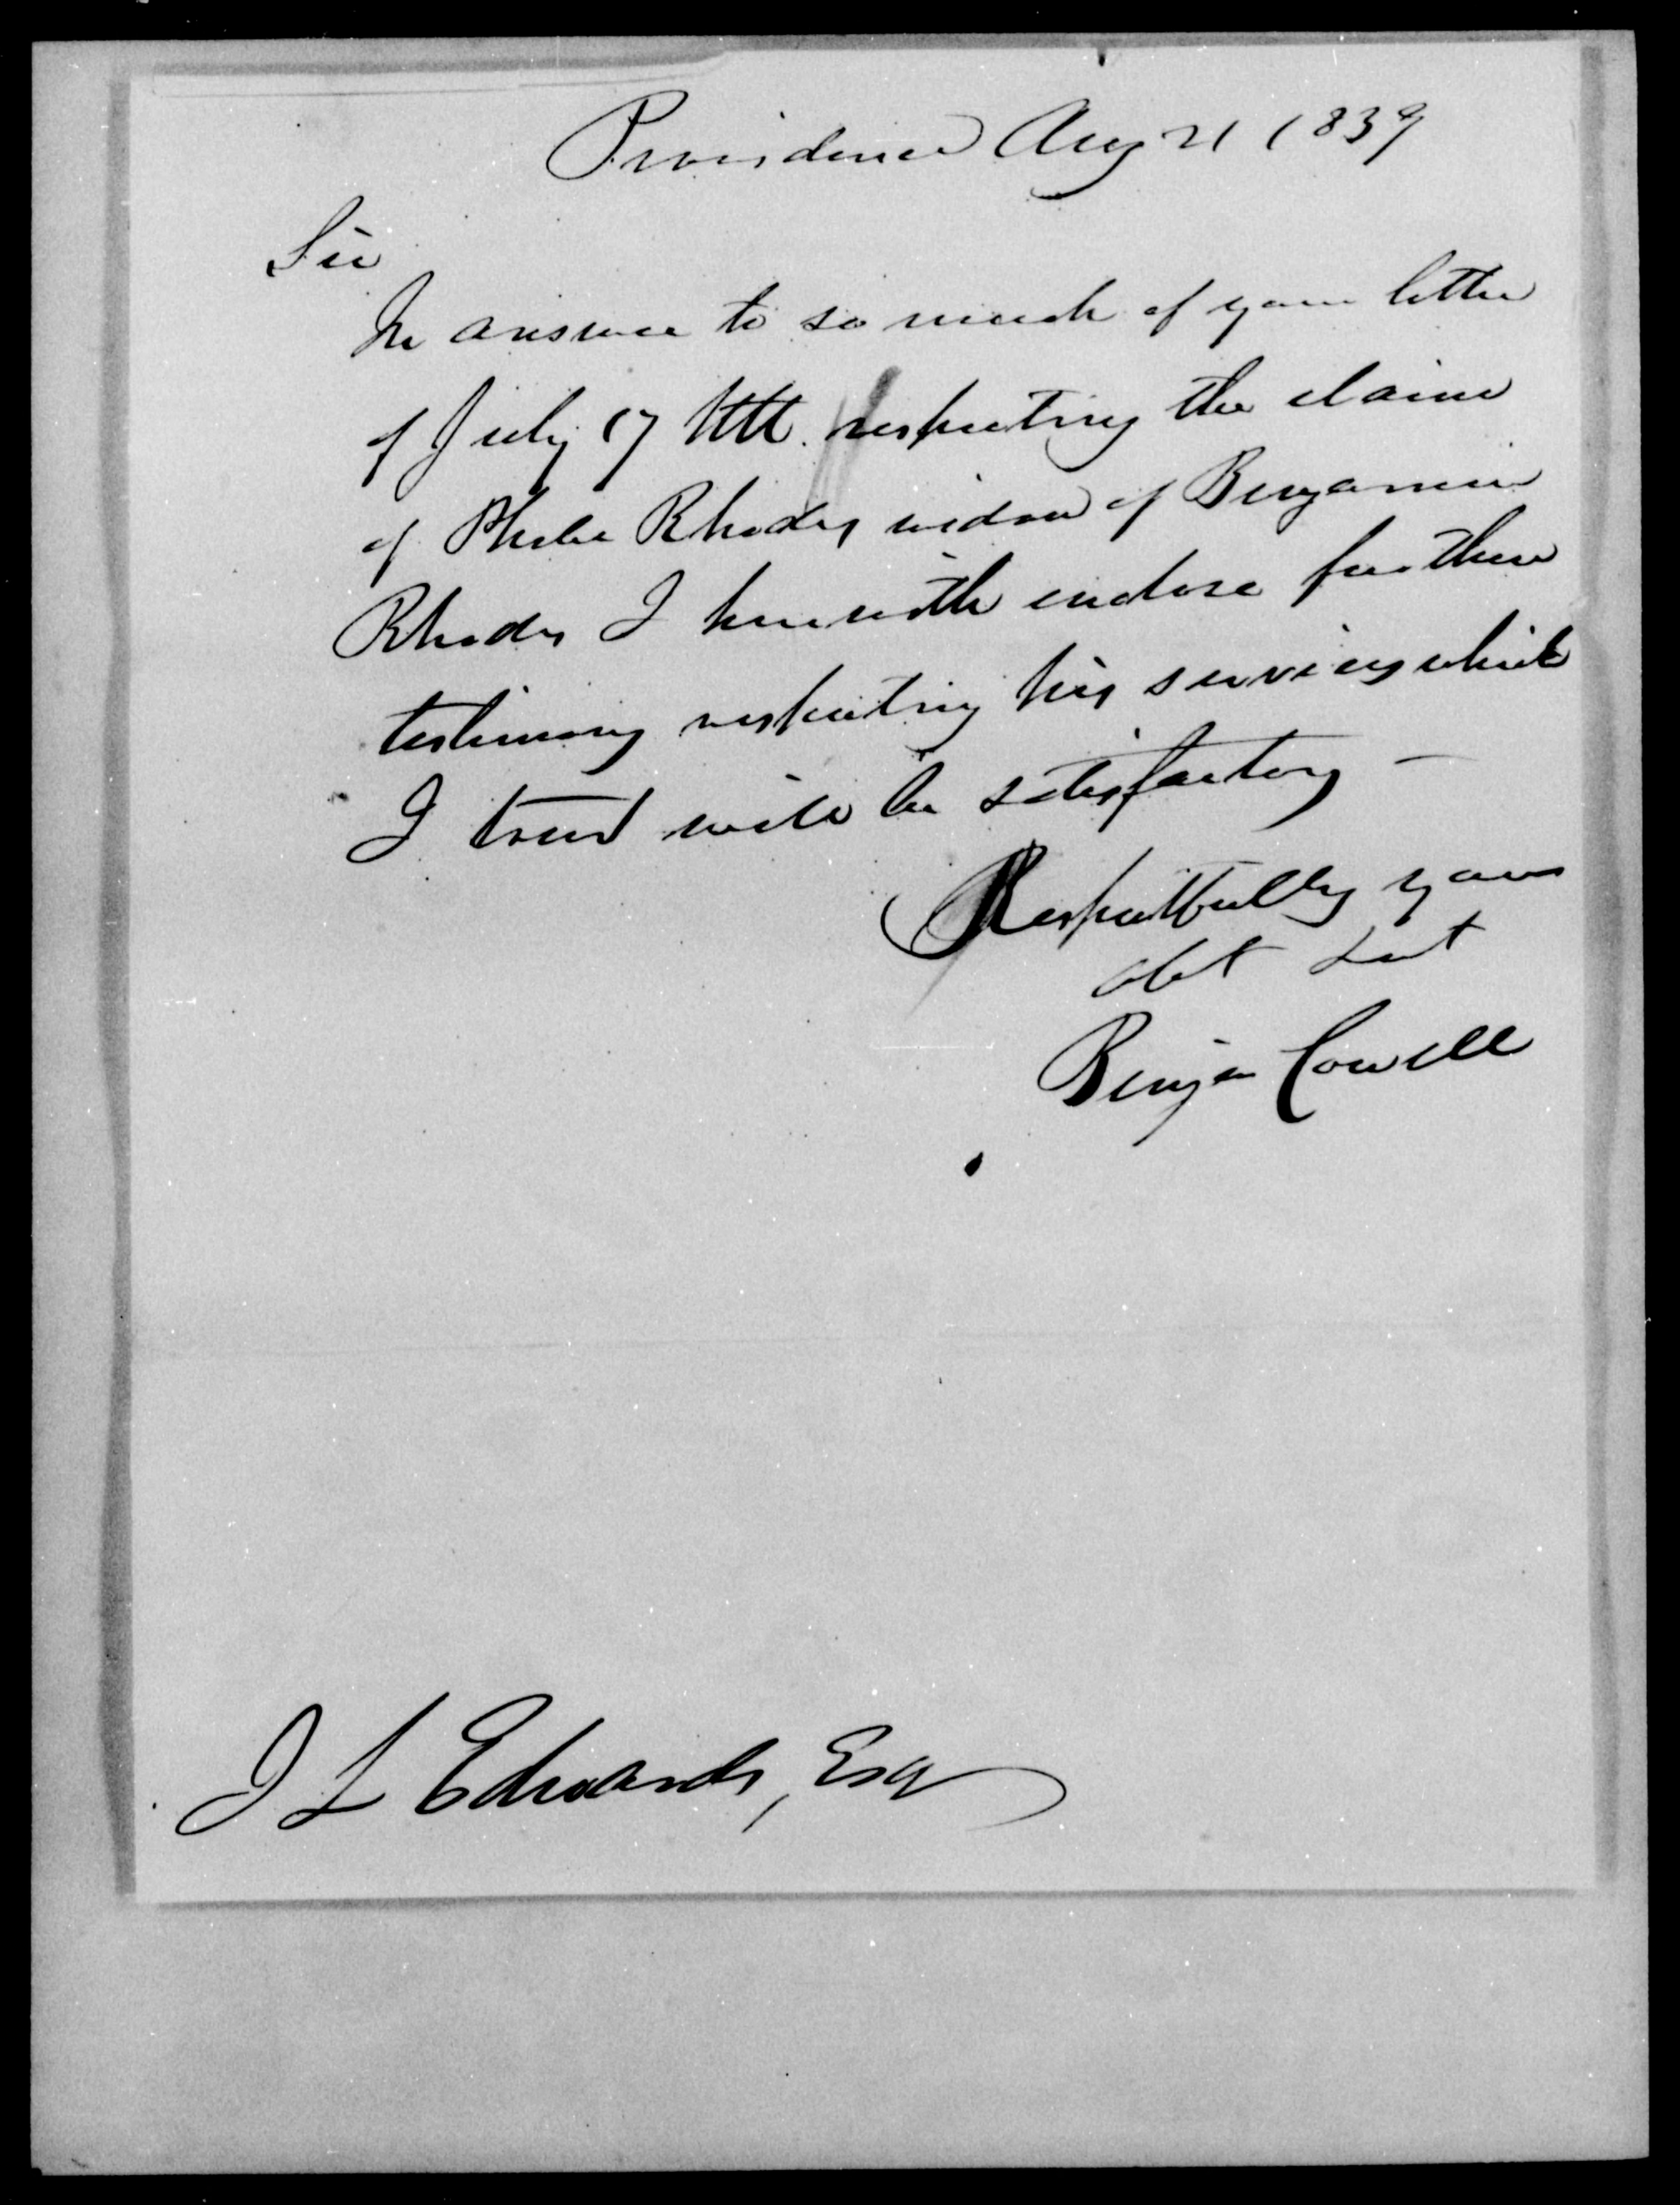Providence Aug 21 1839
Sir
In answer to so much of your letter
of July 17 th respecting the claim
of Phebe Rhodes widow of Benjamin
Rhodes I herewith enclose further
testimony respecting his services which
I trust will be satisfactory
Respectfully your
bet
Let
Benja Cowell
J L Edwards Esq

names: Phebe Rhodes; J L Edwards; Benja Cowell; Benjamin Rhodes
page: 36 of 50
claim: widow's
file: W. 22058, for Benjamin Rhodes, Rhode Island